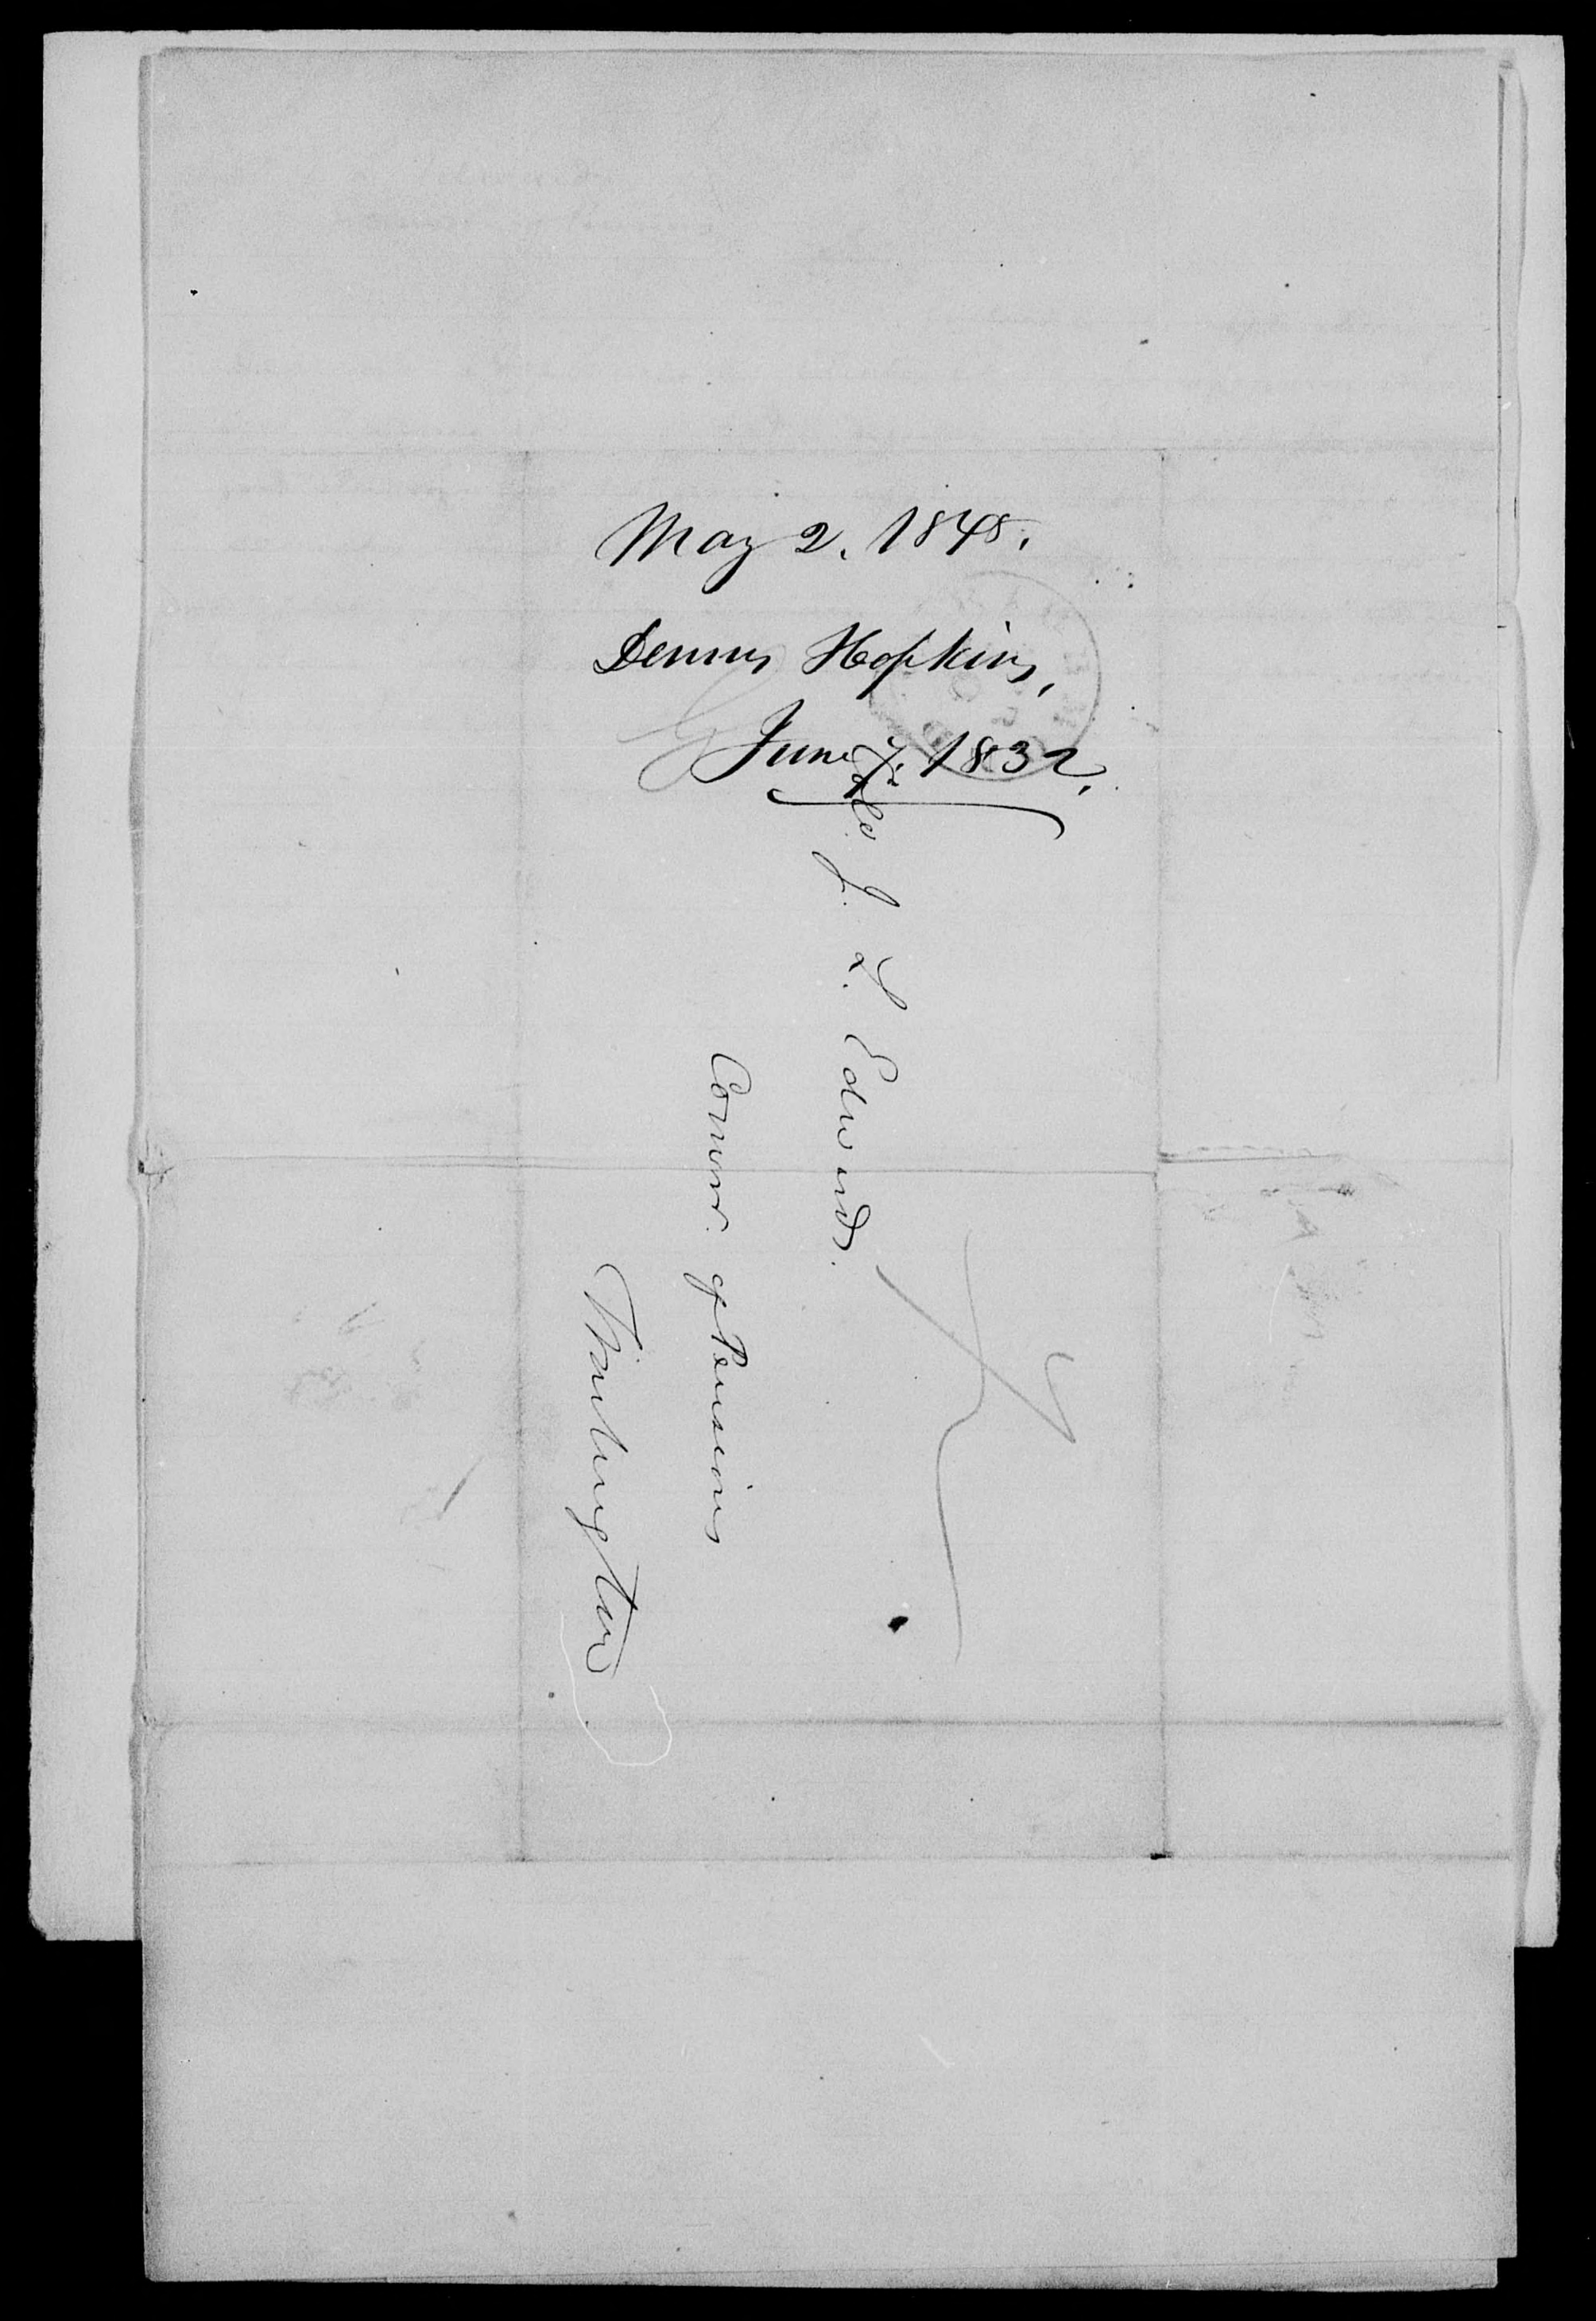May 2, 1845,
Dennis Hopkins 

June 7, 1832


Vertical center:

Colo J. L. Edwards
Commr of Pensions
Washington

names: Dennis Hopkins, J L Edwards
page: 23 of 144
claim: rejected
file: R. 5208, Dennis Hopkins, N.C.